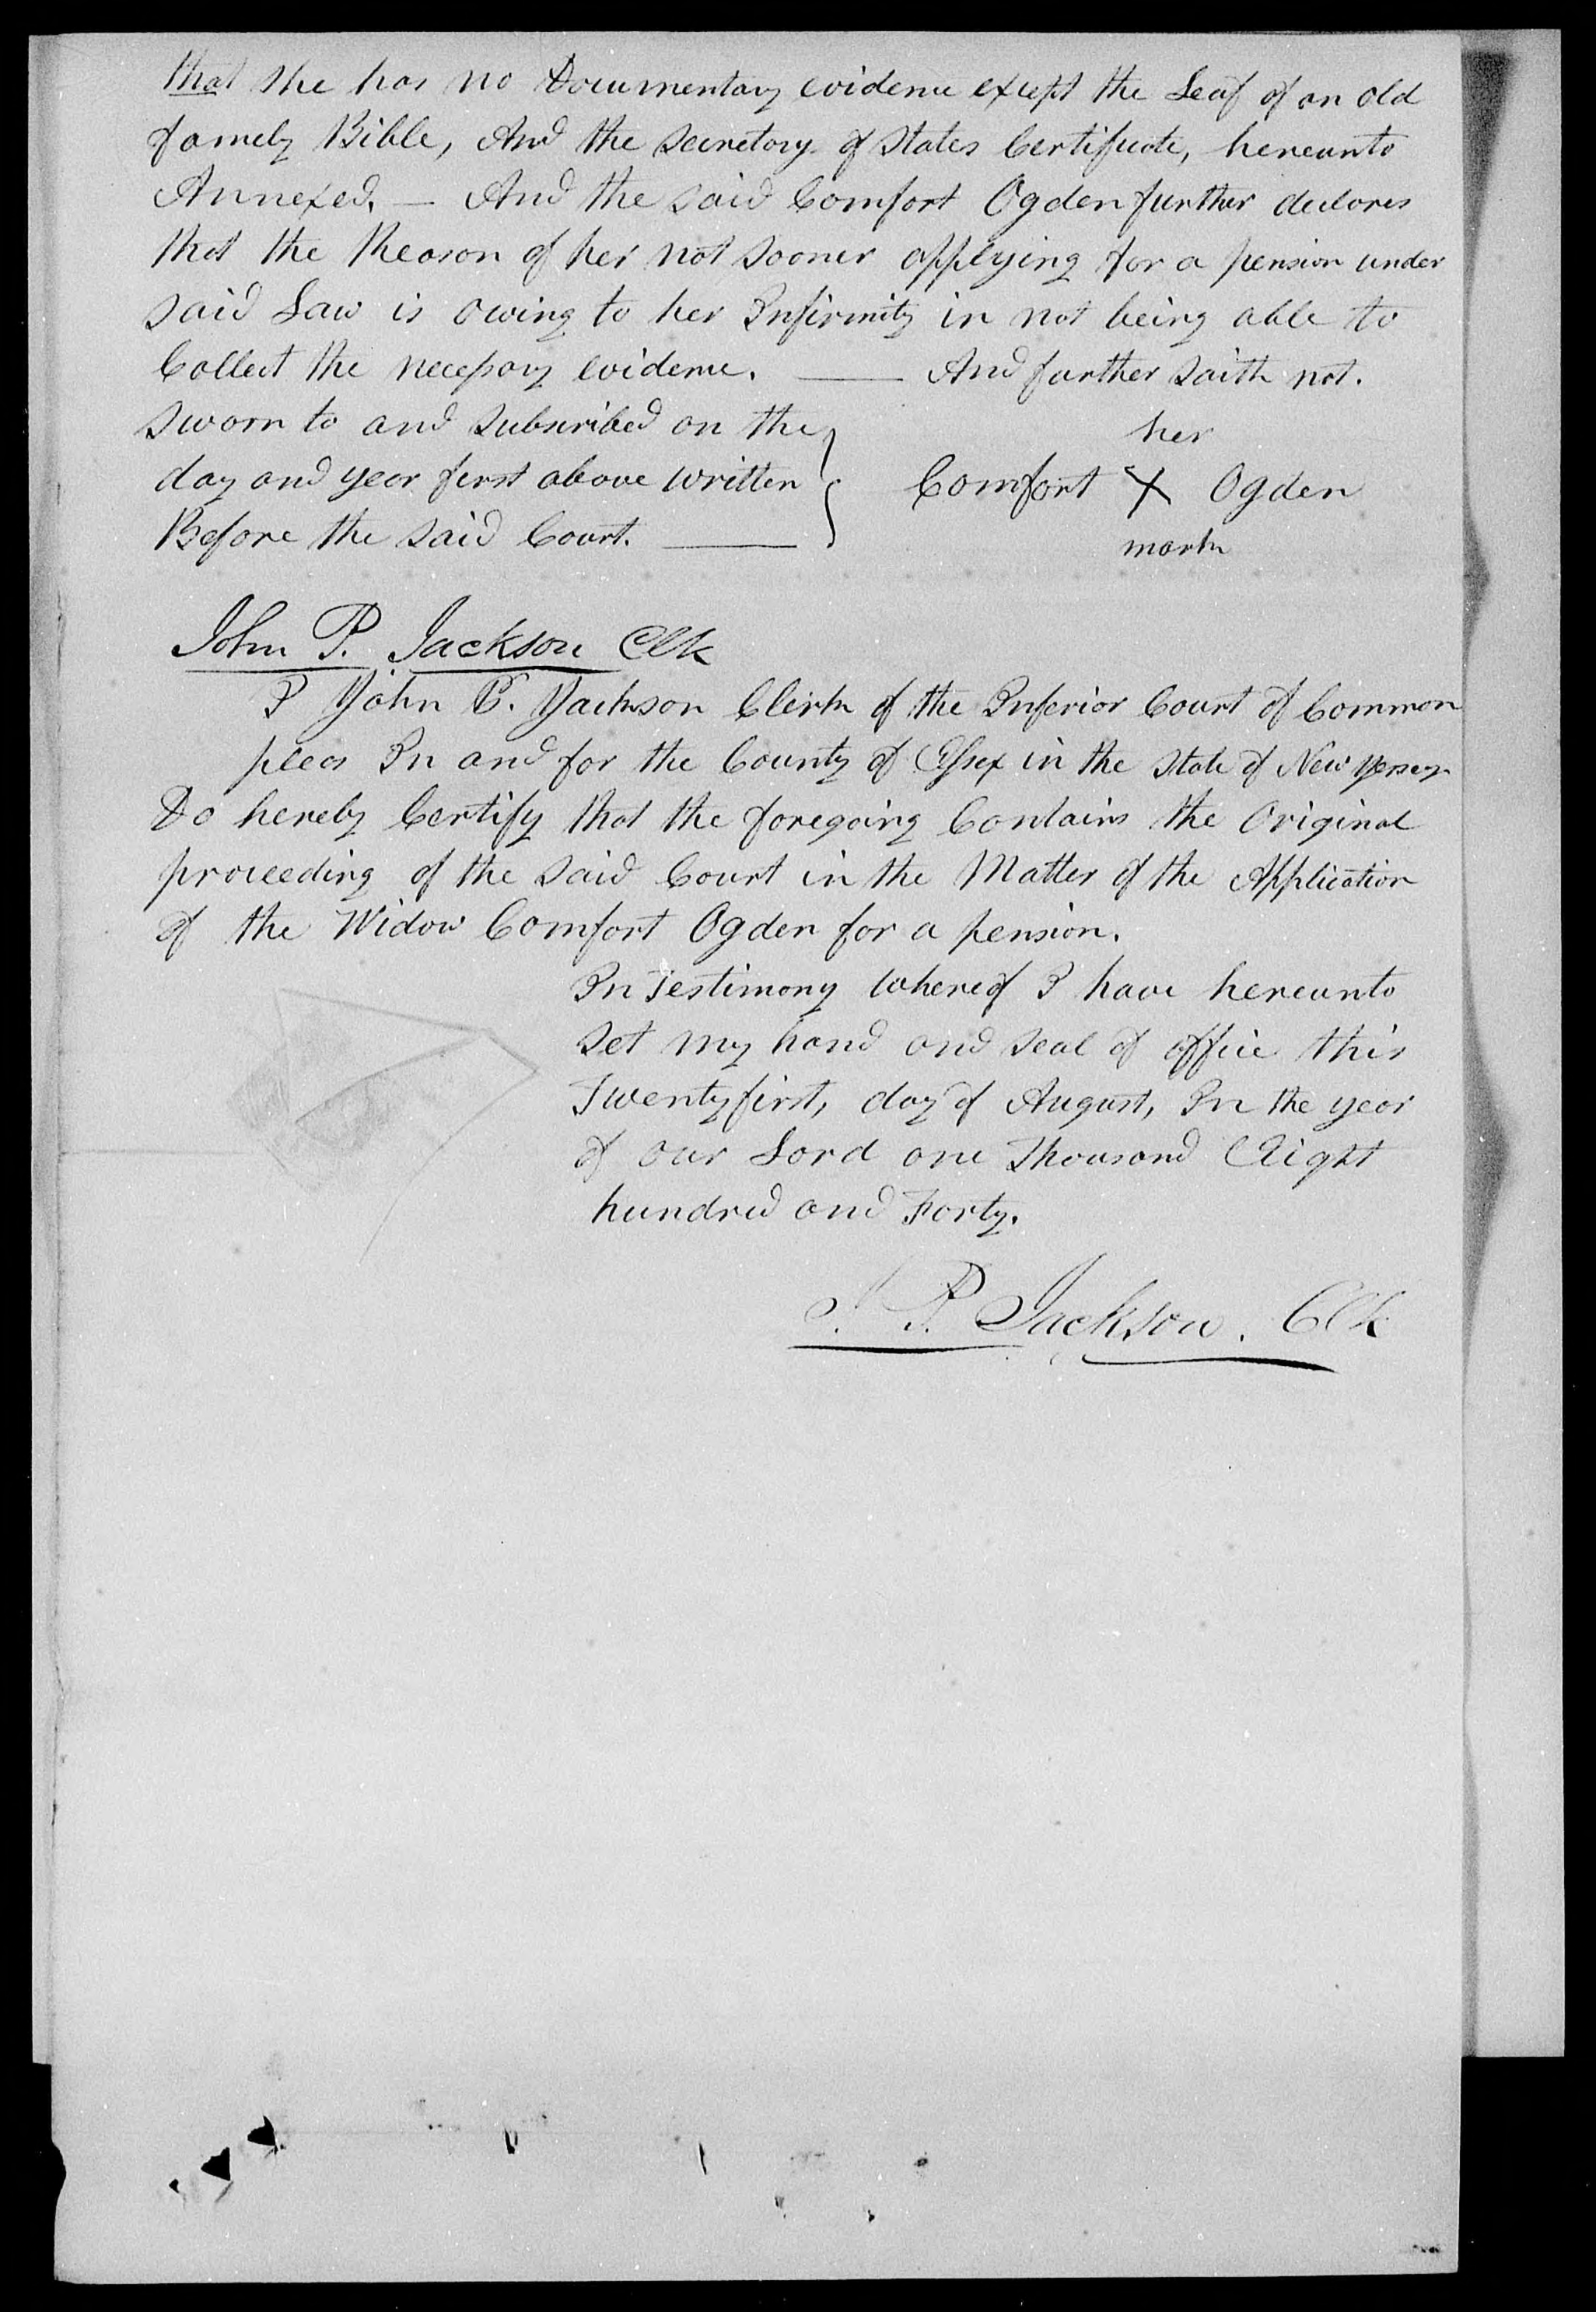that she has no Documentary evidence except the leaf of an old family Bible, And the Secretary of States Certified, hereunto Annexed. - And the said Comfort Ogden further declares that the Reason of her not soner applying for a pension under said Law is owing to her Infirmity in not being able to Collect the necessary evidence. - And further saith not.
   Comfort (her mark) Ogden
Sworn to and Subscribed on the  )
day and year first above written   )
Before the said Court. -                 )

John P. Jackson Clk
 
  I John P. Jackson Clerk of the Inferior Court of Common Pleas In and for the County of Essex in the State of New Jersey Do hereby Certify that the foregoing contains the Original proceeding of the said Court in the Matter of the Application of the Widow Comfort Ogden for a pension.
[seal affixed]
In Testimony whereof I have hereunto
set my hand and seal of office this
Twenty first day of August, In the year 
of our Lord one Thousand Eight
hundred and Forty.

J.P. Jackson, Clk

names: Comfort Ogden; John P Jackson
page: 5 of 25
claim: widow's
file: W. 187, for Ludlow Ogden, New Jersey